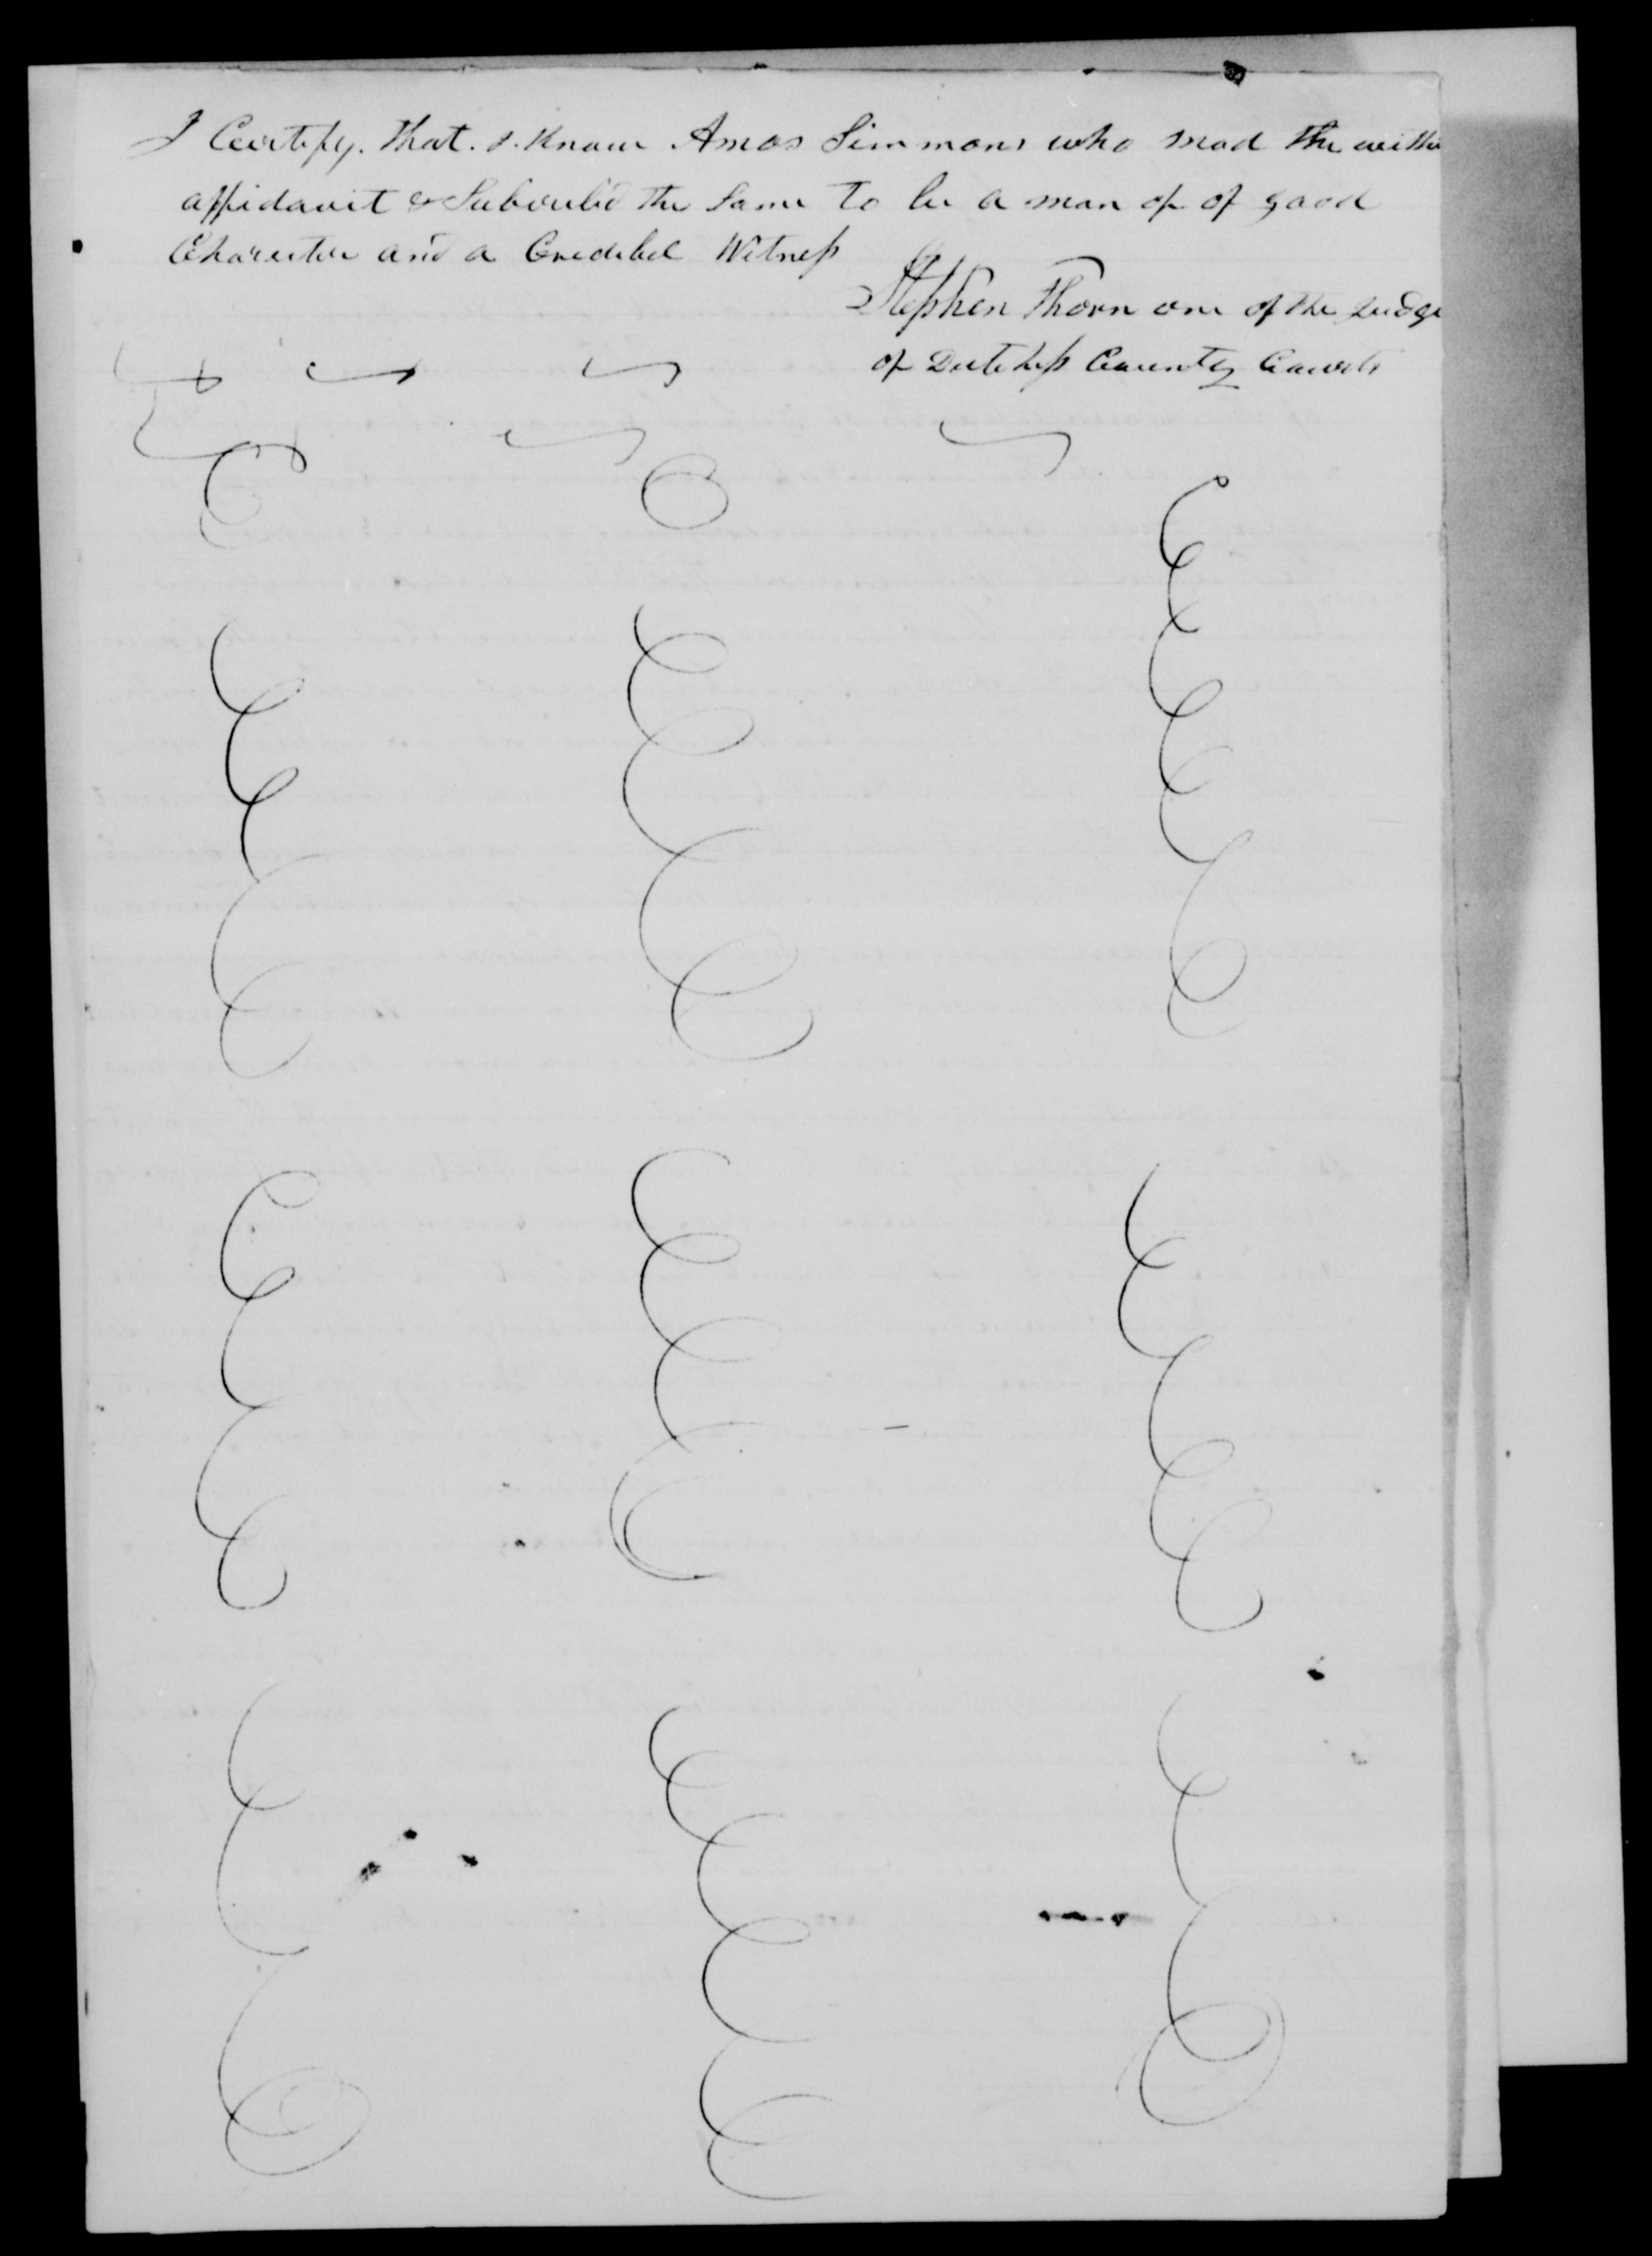I certify that I know Amos Simmons who mad the within affidavit & subscibed the same to be a man of of good character and a credibel witness.
Stephen Thorn one of the Judges of Dutchess County Courts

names: Stephen Thorn; Amos Simmons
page: 24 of 29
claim: widow's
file: W. 19,032, for Ensley Simmons, New York